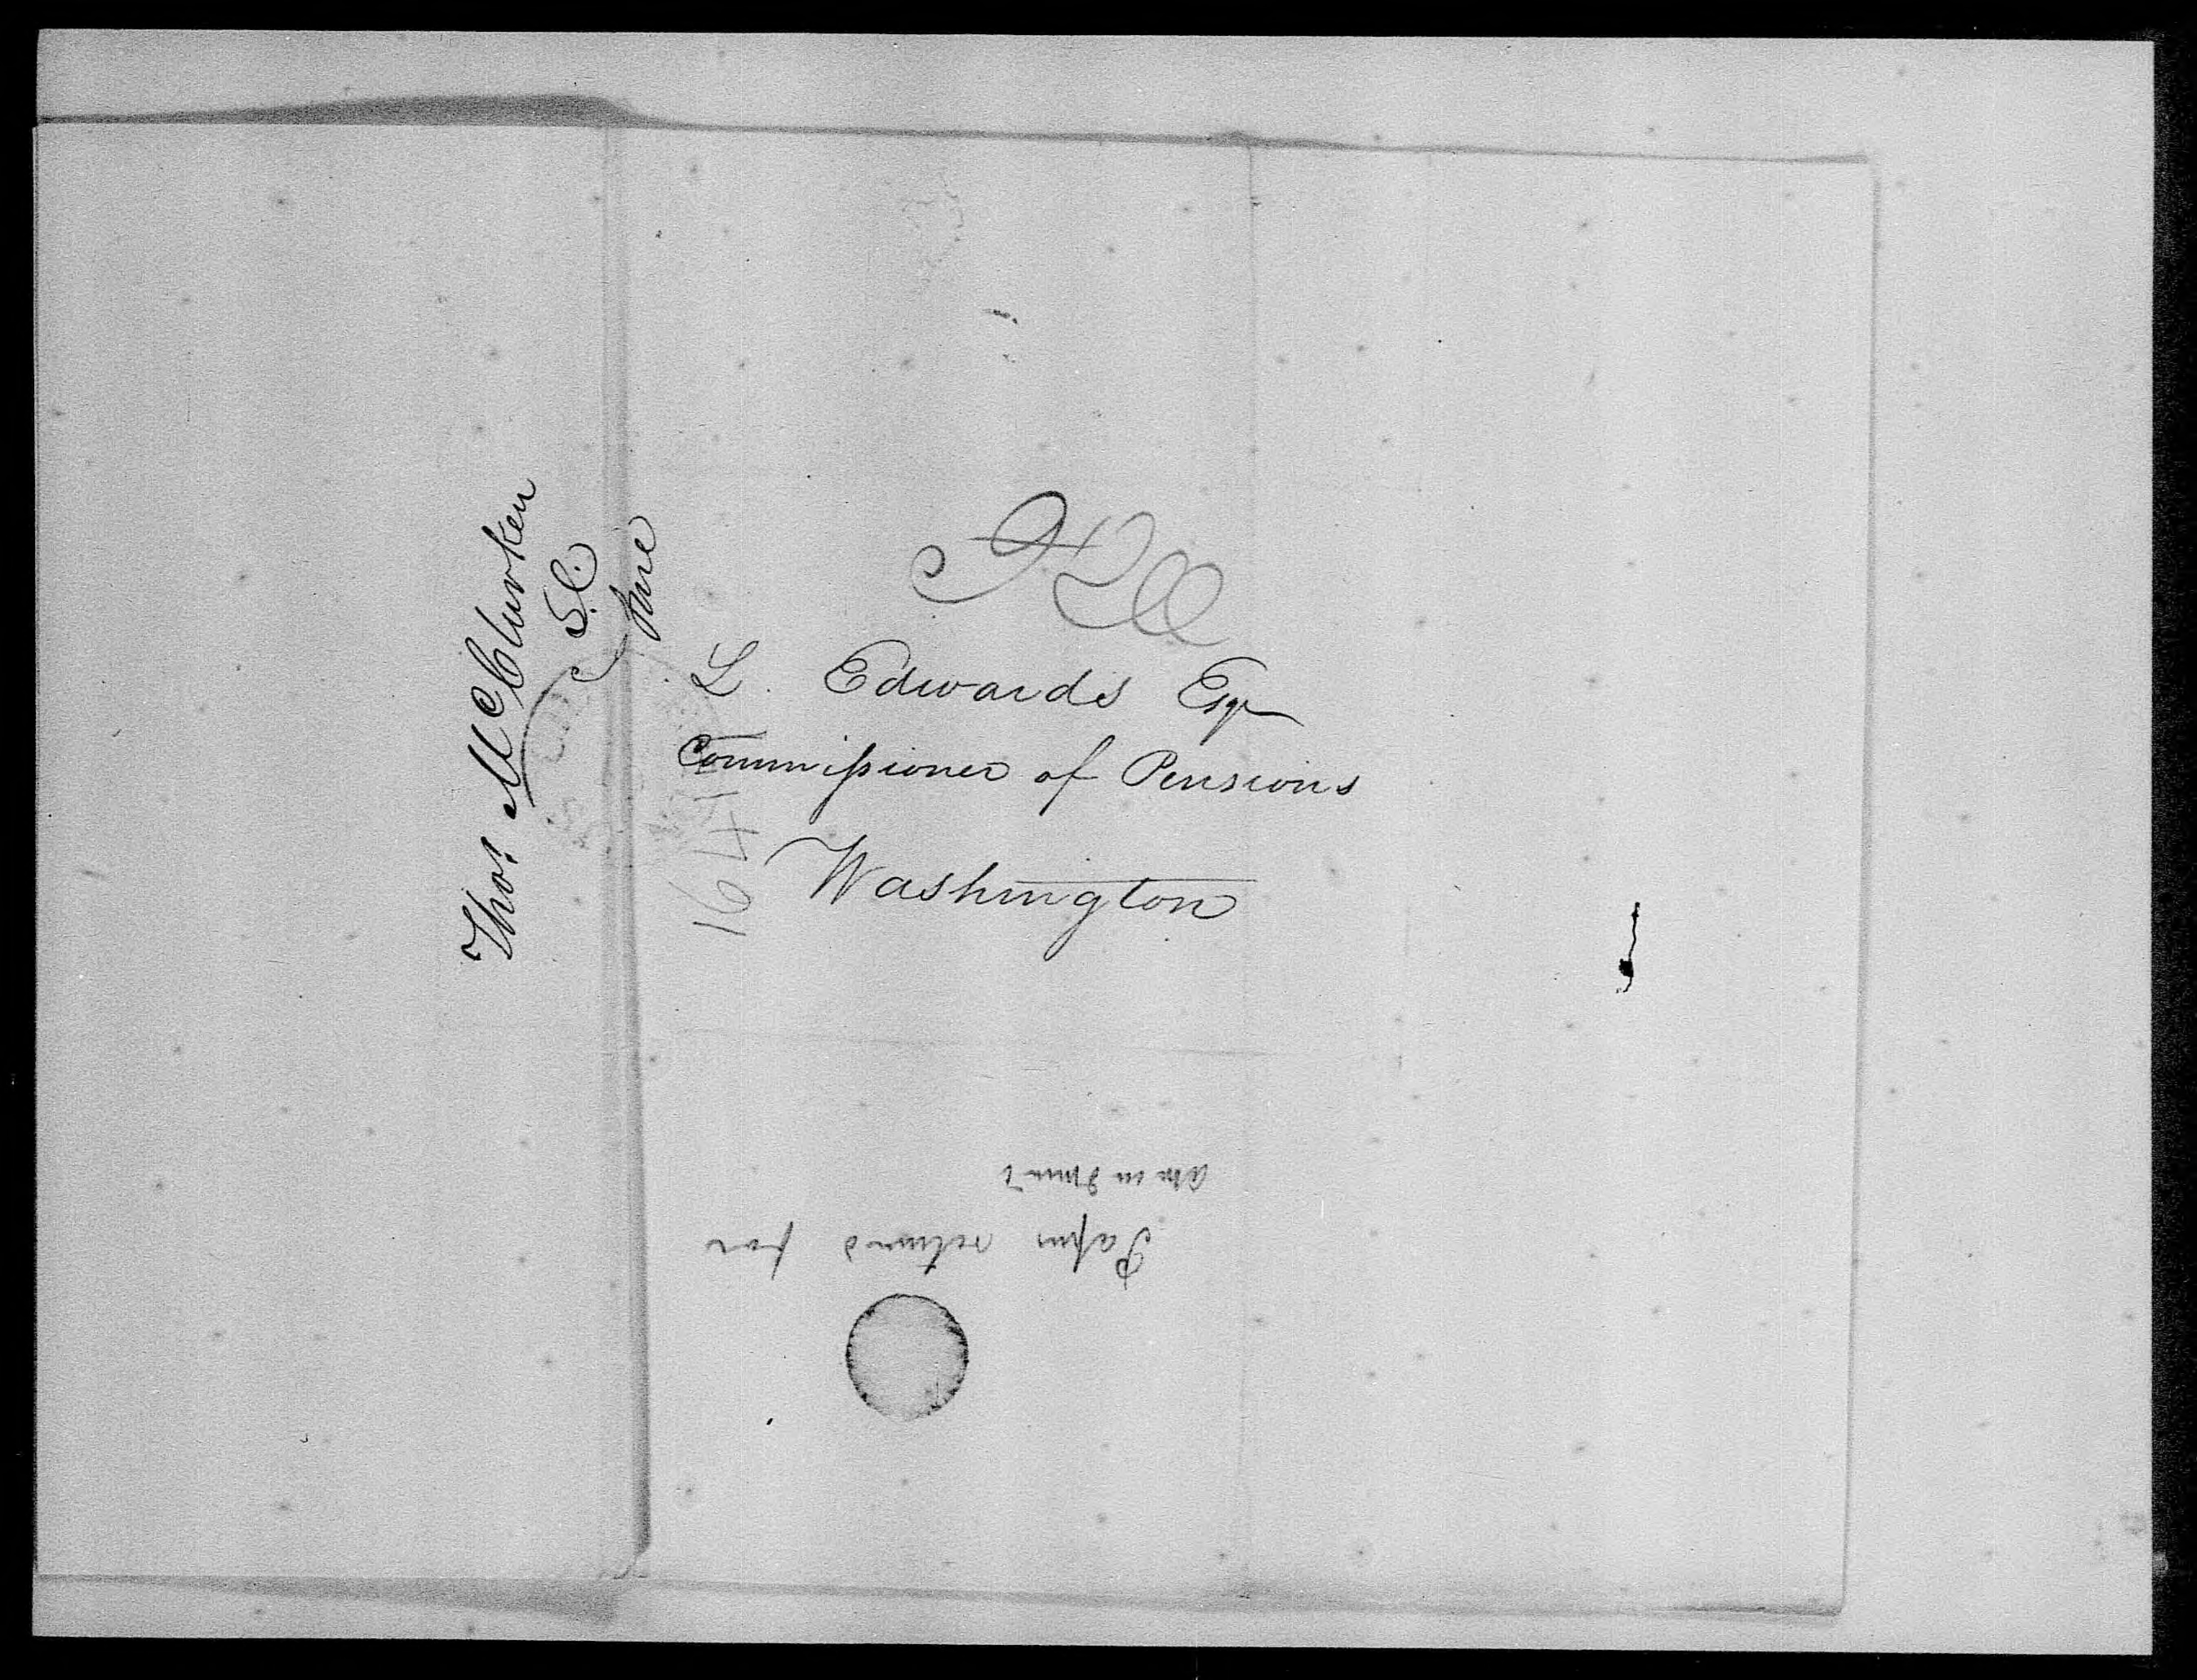Thos McClurken

J.L. Edwards Esqr
Commissioner of Pensions
Washington 

1641

Papers returned for 
amendment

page: 38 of 93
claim: widow's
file: W. 21792, for Thomas Mc Clurken, South Carolina